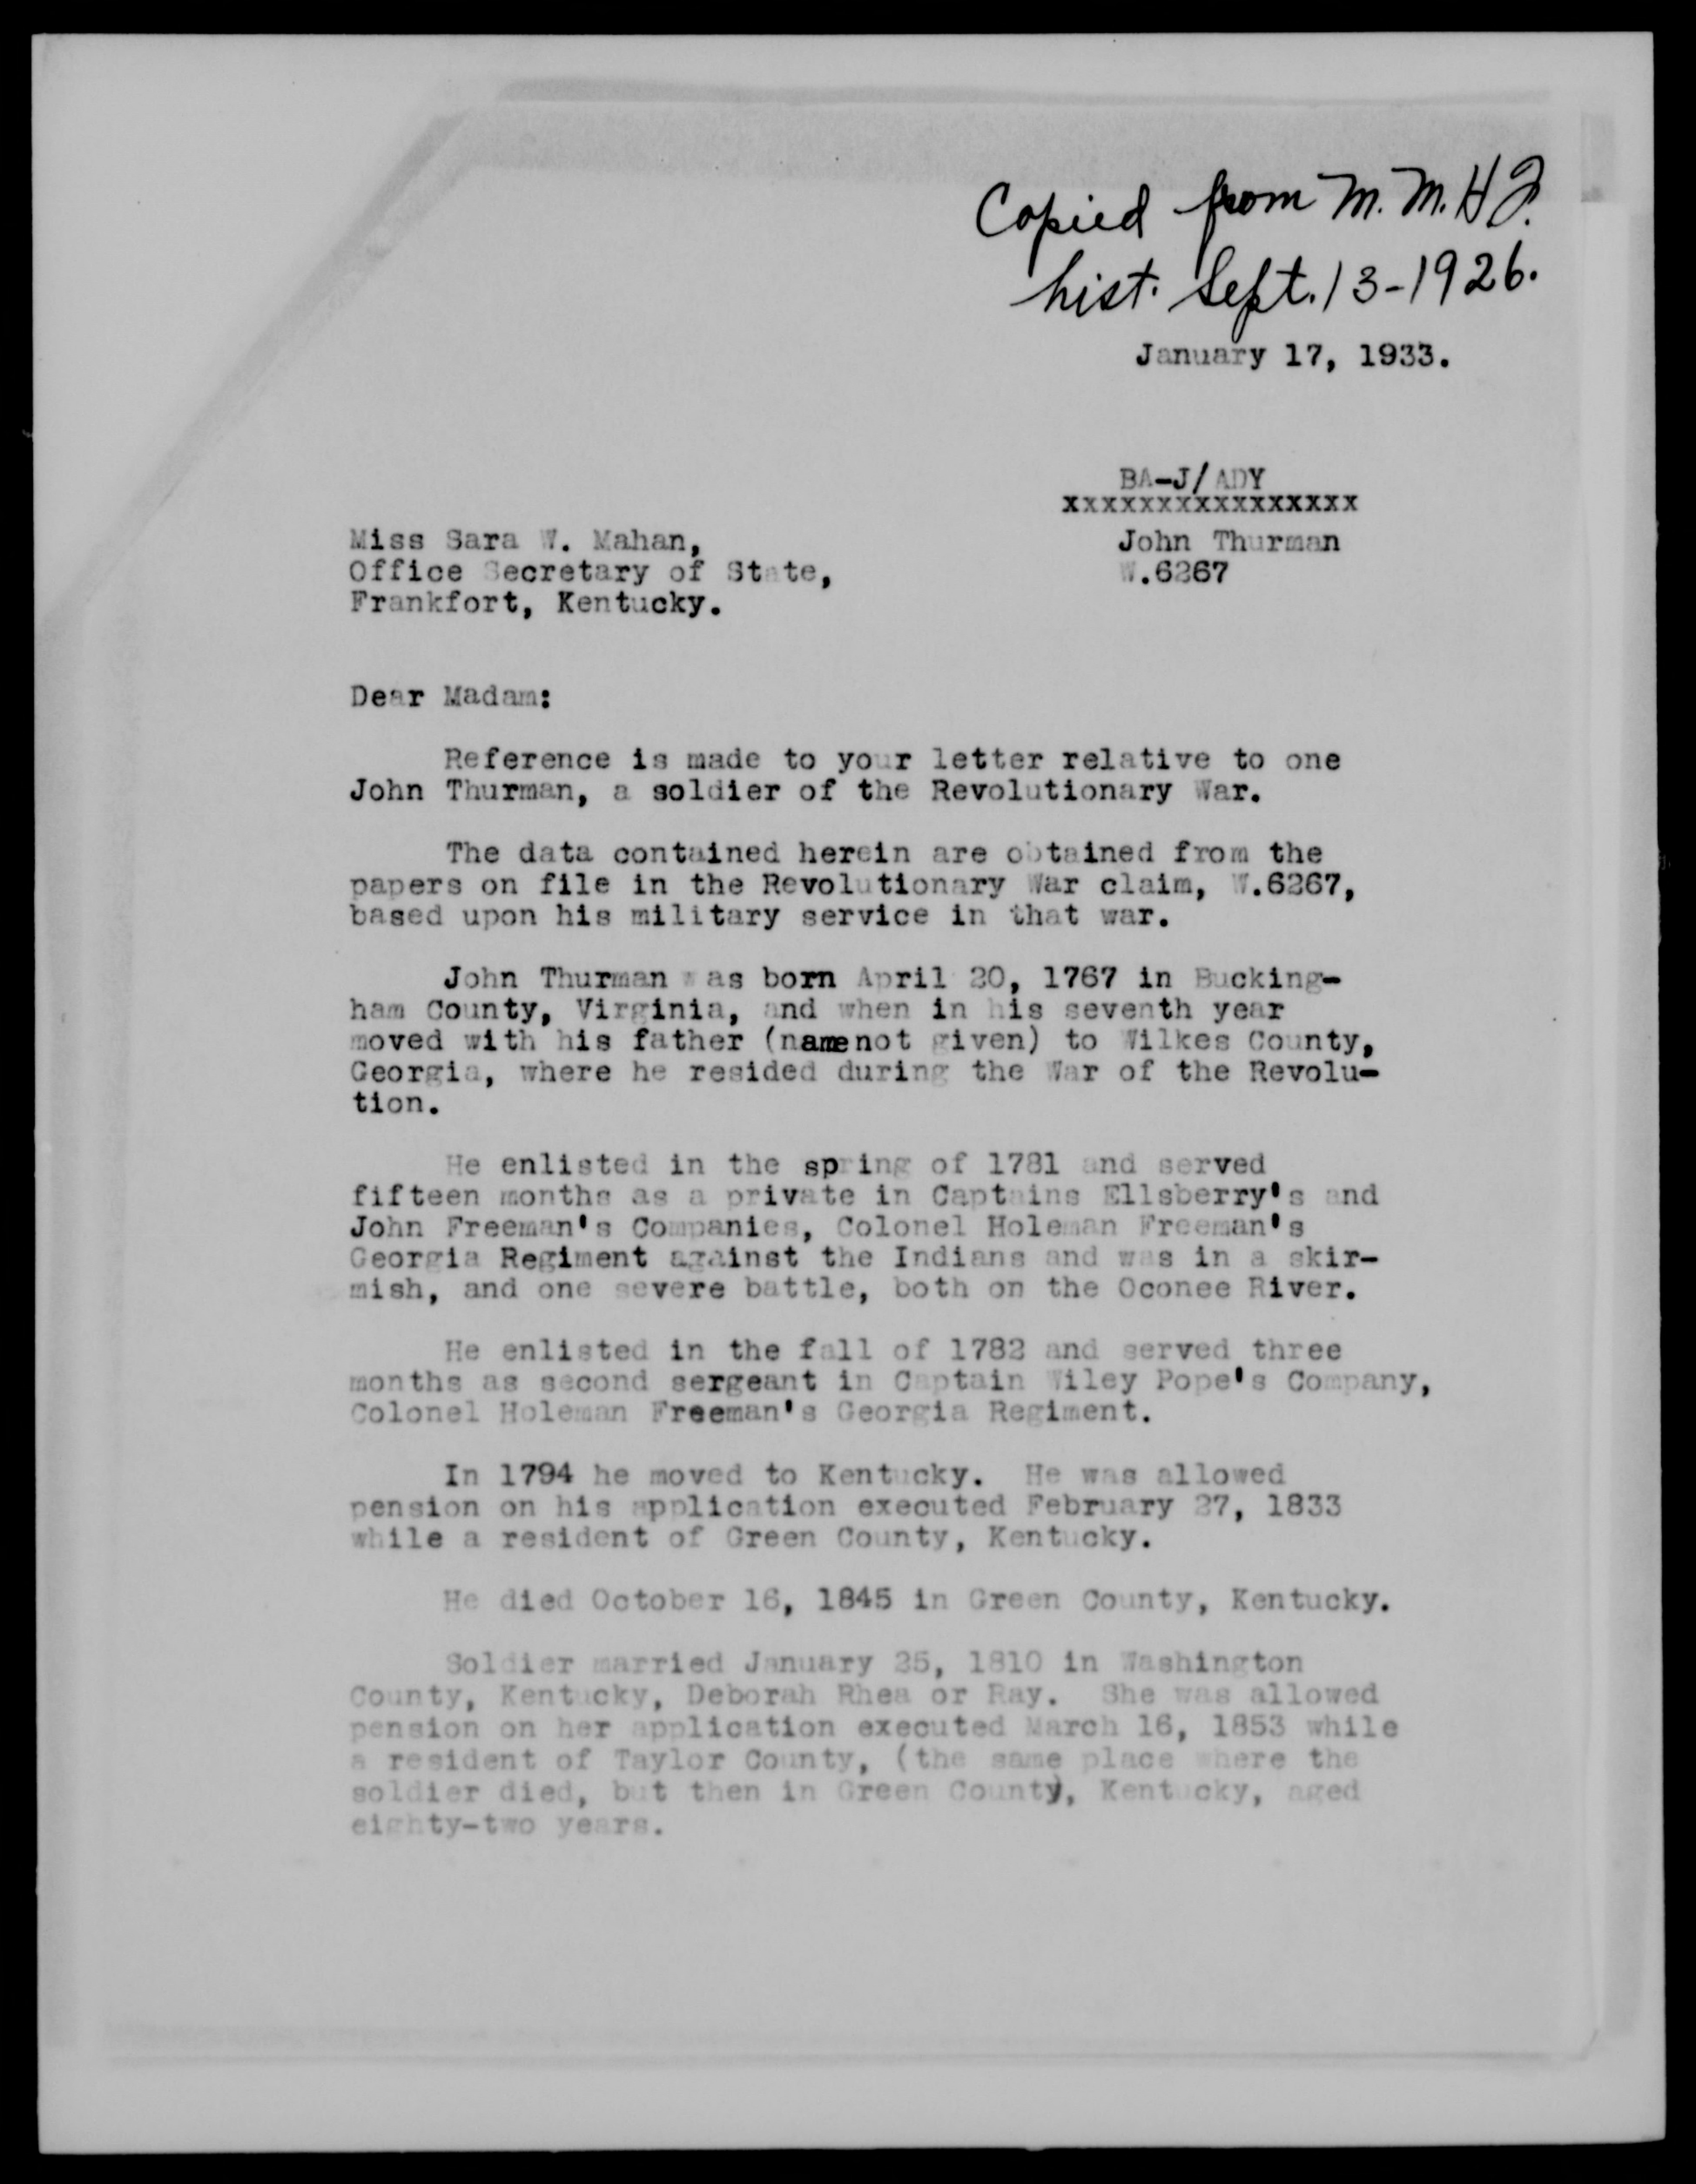Copied from M. M. H. J. hist. Sept. 13 - 1926.
January 17, 1933.
BA-J/ADY
John Thurman
W.6267
Miss Sara W. Mahan,
Office Secretary of State,
Frankfort, Kentucky.
Dear Madam:
Reference is made to your letter relative to one John Thurman, a soldier of the Revolutionary War.
The data contained herein are obtained from the papers on file in the Revolutionary War claim, W.6267, based upon his military service in that war.
John Thurman was born April 20, 1767 in Buckingham County, Virginia, and when in his seventh year moved with his father (name not given) to Wilkes County, Georgia, where he resided during the War of the Revolution.
He enlisted in the spring of 1781 and served fifteen months as a private in Captains Ellsberry's and John Freeman's Companies, Colonel Holeman Freeman's Georgia Regiment against the Indians and was in a skirmish, and one severe battle, both on the Oconee River.
He enlisted in the fall of 1782 and served three months as second sergeant in Captain Wiley Pope's Company, Colonel Holeman Freeman's Georgia Regiment.
In 1794 he moved to Kentucky.  He was allowed pension on his application executed February 27, 1833 while a resident of Green County, Kentucky.
He died October 16, 1845 in Green County, Kentucky.
Soldier married January 25, 1810 in Washington County, Kentucky, Deborah Rhea or Ray.  She was allowed pension on her application executed March 16, 1853 while a resident of Taylor County, (the same place where the soldier died, but then in Green County), Kentucky, aged eighty-two years.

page: 50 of 53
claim: widow's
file: W. 6,267, for John Thurman, Georgia